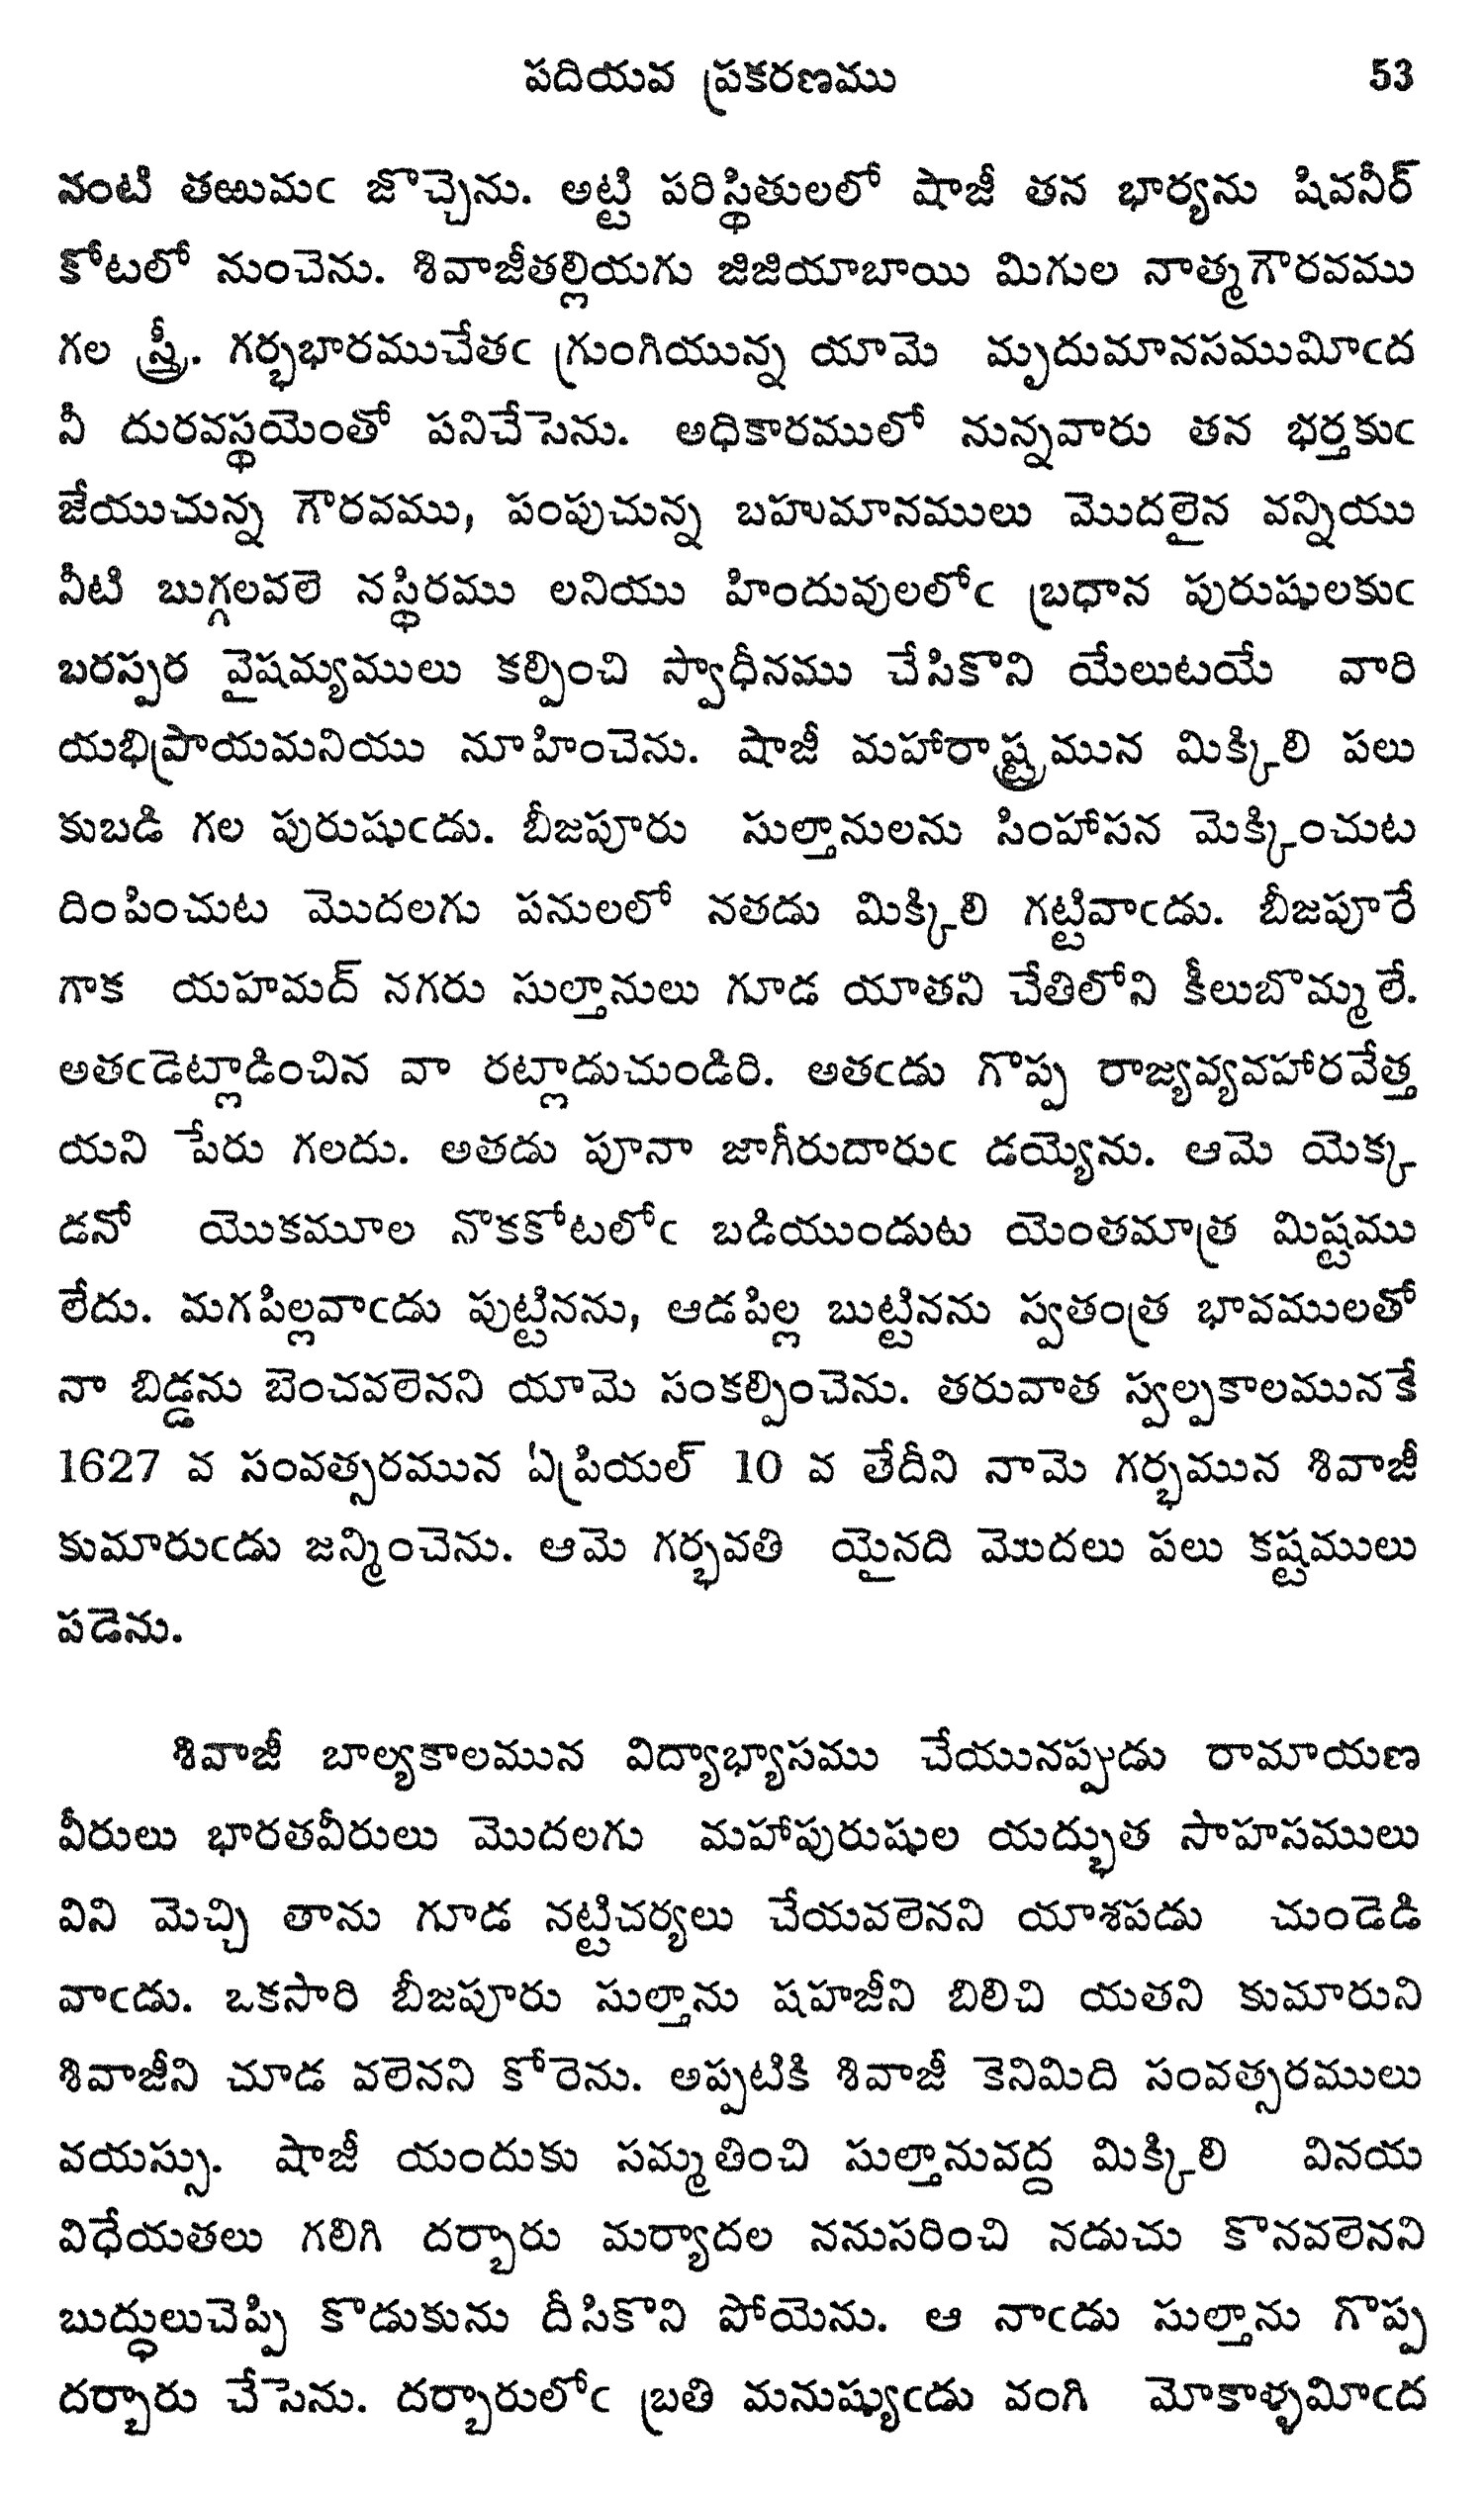నంటి తఱుమ జొచ్చెను. అట్టి పరిస్థితులలో షాజీ తన భార్యను షివనీర్ కోటలో నుంచెను. శివాజీతల్లియగు జిజియాబాయి మిగుల నాత్మగౌరవము గల స్త్రీ. గర్భభారముచేత గ్రుంగియున్న యామె మృదుమానసముమీద నీ దురవస్థయెంతో పనిచేసెను. అధికారములో నున్నవారు తన భర్తకు జేయుచున్న గౌరవము, పంపుచున్న బహుమానములు మొదలైన వన్నియు నీటి బుగ్గలవలె నస్థిరము లనియు హిందువులలో బ్రధాన పురుషులకు బరస్పర వైషమ్యములు కల్పించి స్వాధీనము చేసికొని యేలుటయే వారి యభిప్రాయమనియు నూహించెను. షాజీ మహారాష్ట్రమున మిక్కిలి పలుకుబడి గల పురుషుడు. బీజపూరు సుల్తానులను సింహాసన మెక్కించుట దింపించుట మొదలగు పనులలో నతడు మిక్కిలి గట్టివాడు. బీజపూరే గాక యహమద్ నగరు సుల్తానులు గూడ యాతని చేతిలోని కీలుబొమ్మలే. అతడెట్లాడించిన వా రట్లాడుచుండిరి. అతడు గొప్ప రాజ్యవ్యవహారవేత్త యని పేరు గలదు. అతడు పూనా జాగీరుదారు డయ్యెను. ఆమె యెక్కడనో యొకమూల నొకకోటలో బడియుండుట యెంతమాత్ర మిష్టము లేదు. మగపిల్లవాడు పుట్టినను, ఆడపిల్ల బుట్టినను స్వతంత్ర భావములతో నా బిడ్డను బెంచవలెనని యామె సంకల్పించెను. తరువాత స్వల్పకాలమునకే 1627 వ సంవత్సరమున ఏప్రియల్ 10 వ తేదీని నామె గర్భమున శివాజీ కుమారుడు జన్మించెను. ఆమె గర్భవతి యైనది మొదలు పలు కష్టములు పడెను.

శివాజీ బాల్యకాలమున విద్యాభ్యాసము చేయునప్పుడు రామాయణ వీరులు భారతవీరులు మొదలగు మహాపురుషుల యద్భుత సాహసములు విని మెచ్చి తాను గూడ నట్టిచర్యలు చేయవలెనని యాశపడు చుండెడివాడు. ఒకసారి బీజపూరు సుల్తాను షహజీని బిలిచి యతని కుమారుని శివాజీని చూడ వలెనని కోరెను. అప్పటికి శివాజీ కెనిమిది సంవత్సరములు వయస్సు. షాజీ యందుకు సమ్మతించి సుల్తానువద్ద మిక్కిలి వినయ విధేయతలు గలిగి దర్బారు మర్యాదల ననుసరించి నడుచు కొనవలెనని బుద్ధులుచెప్పి కొడుకును దీసికొని పోయెను. ఆ నాడు సుల్తాను గొప్ప దర్బారు చేసెను. దర్బారులో బ్రతి మనుష్యుడు వంగి మోకాళ్ళమీద